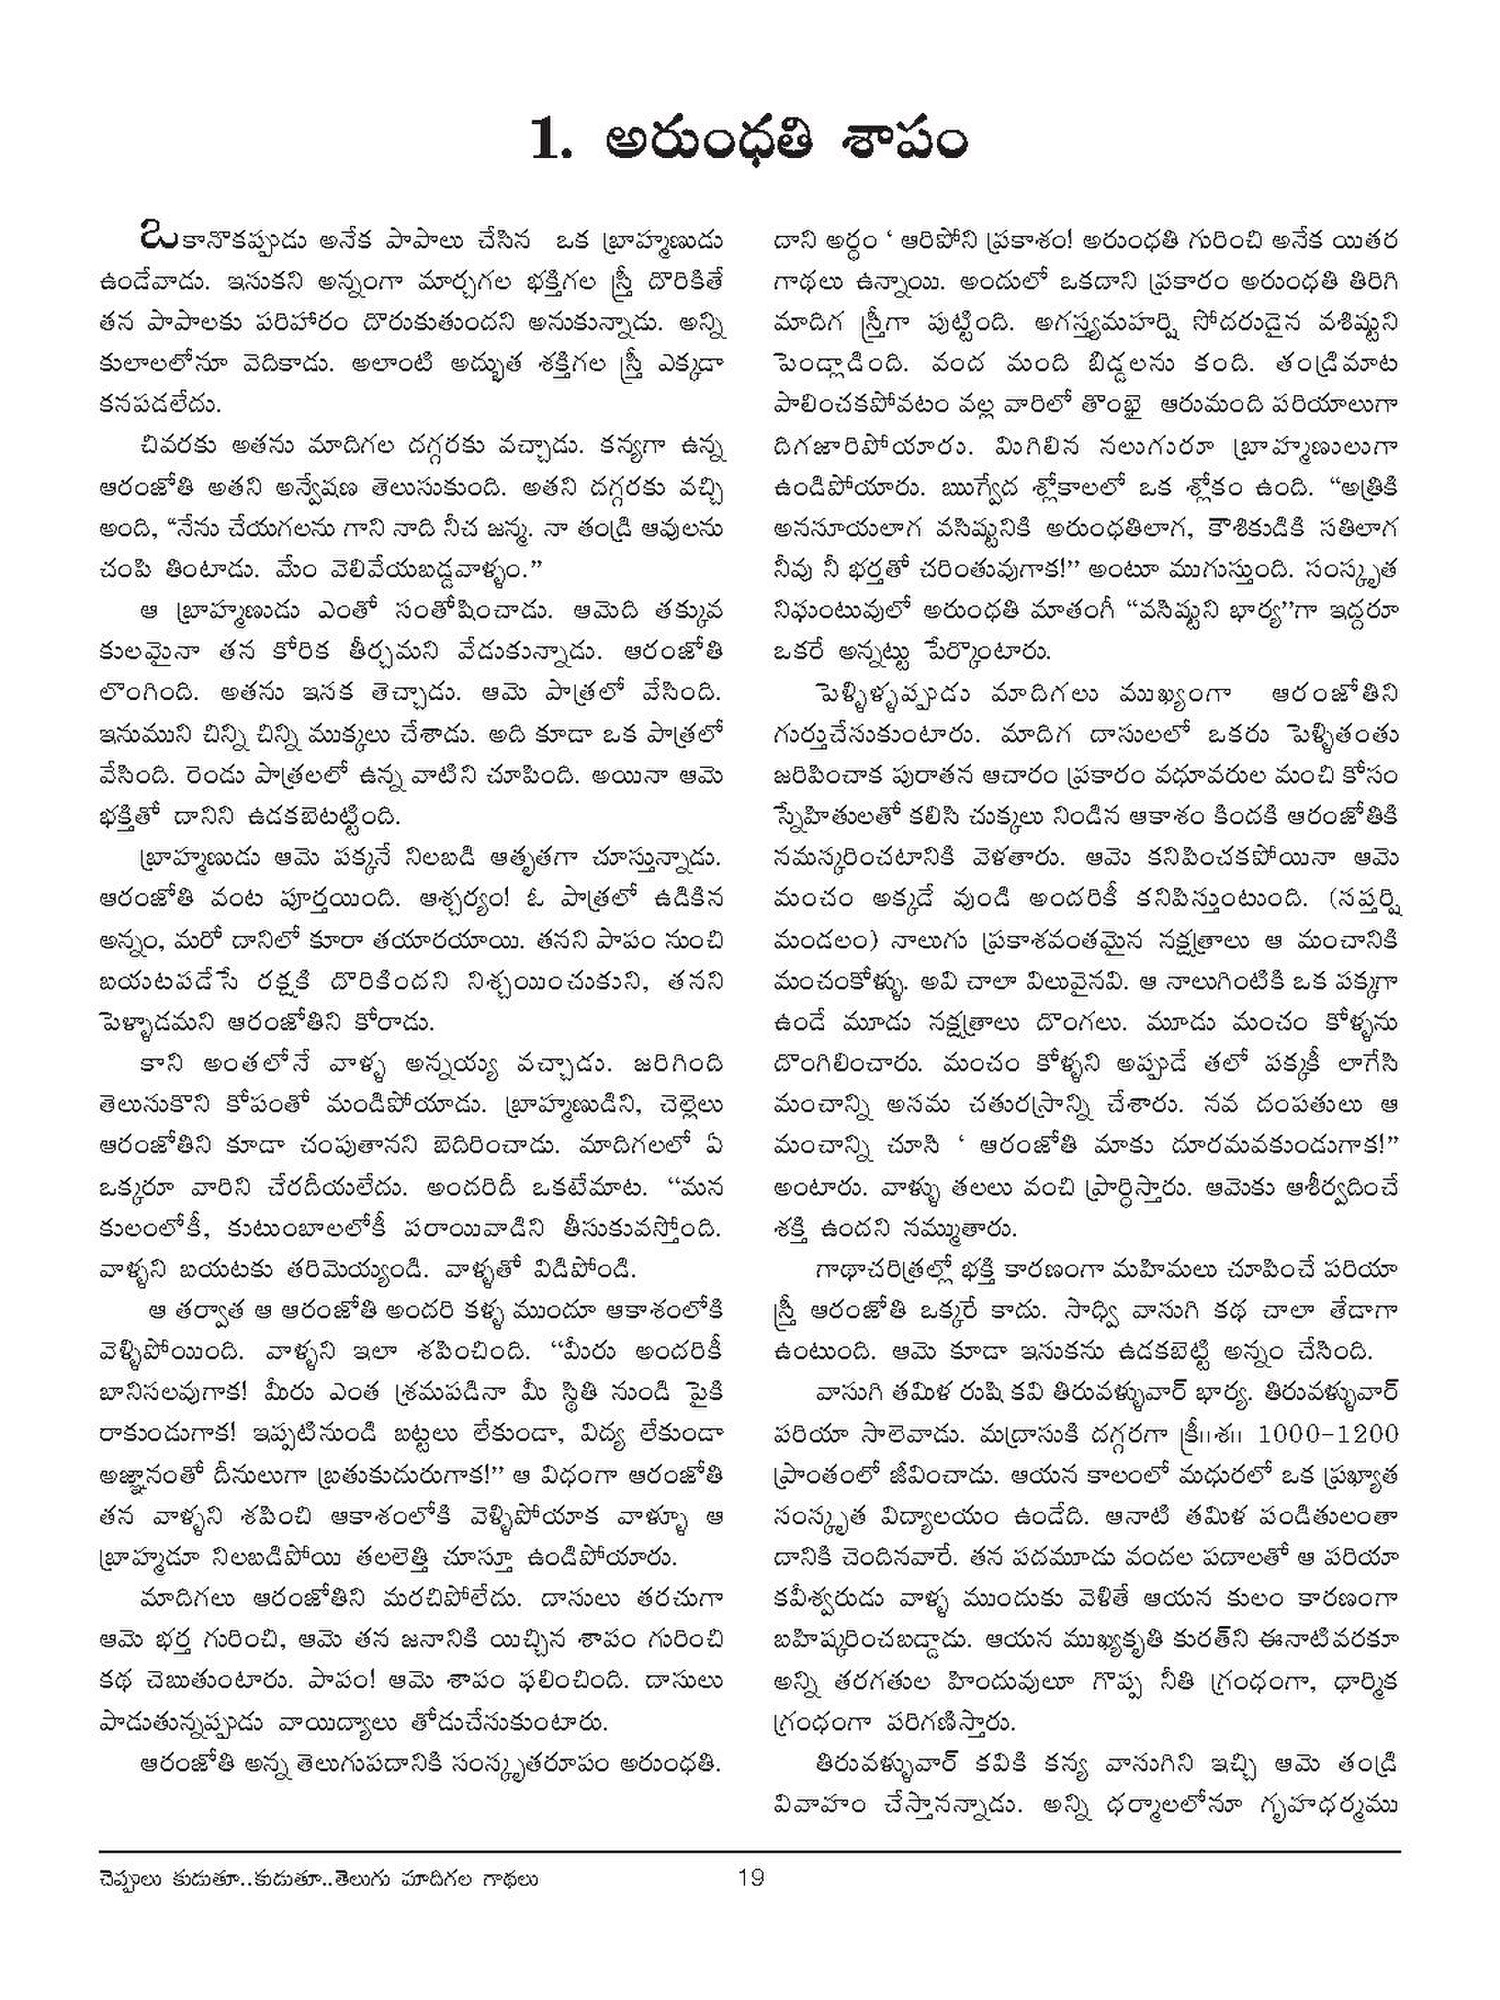1. అరుంధతి శాపం

కానొకప్పుడు అనేక పాపాలు చేసిన ఒక బ్రాహ్మణుడు
ఉండేవాడు. ఇసుకని అన్నంగా మార్చగల భక్తిగల స్త్రీ దొరికితే
తన పాపాలకు పరిహారం దొరుకుతుందని అనుకున్నాడు. అన్ని
కులాలలోనూ వెదికాడు. అలాంటి అద్భుత శక్తిగల స్త్రీ ఎక్కడా
కనపడలేదు.

చివరకు అతను మాదిగల దగ్గరకు వచ్చాడు. కన్యగా ఉన్న
ఆరంజోతి అతని అన్వేషణ తెలుసుకుంది. అతని దగ్గరకు వచ్చి
అంది, “నేను చేయగలను గాని నాది నీచ జన్మ. నా తండ్రి ఆవులను
చంపి తింటాడు. మేం వెలివేయబడ్డవాళ్ళం.”

ఆ బ్రాహ్మణుడు ఎంతో సంతోషించాడు. ఆమెది తక్కువ
కులమైనా తన కోరిక తీర్చమని వేడుకున్నాడు. ఆరంజోతి
లొంగింది. అతను ఇసక తెచ్చాడు. ఆమె పాత్రలో వేసింది.
ఇనుముని చిన్ని చిన్ని ముక్కలు చేశాడు. అది కూడా ఒక పాత్రలో
వేసింది. రెండు పాత్రలలో ఉన్న వాటిని చూపింది. అయినా ఆమె
భక్తితో దానిని ఉడకబెటట్టింది.

బ్రాహ్మణుడు ఆమె పక్కనే నిలబడి ఆతృతగా చూస్తున్నాడు.
ఆరంజోతి వంట పూర్తయింది. ఆశ్చర్యం! ఓ పాత్రలో ఉడికిన
అన్నం, మరో దానిలో కూరా తయారయాయి. తనని పాపం నుంచి
బయటపడేసే రక్షకి దొరికిందని నిశ్చయించుకుని, తనని
పెళ్ళాడమని ఆరంజోతిని కోరాడు.

కాని అంతలోనే వాళ్ళ అన్నయ్య వచ్చాడు. జరిగింది
తెలుసుకొని కోపంతో మండిపోయాడు. బ్రాహ్మణుడిని, చెల్లెలు
ఆరంజోతిని కూడా చంపుతానని బెదిరించాడు. మాదిగలలో ఏ
ఒక్కరూ వారిని చేరదీయలేదు. అందరిదీ ఒకటేమాట. “మన
కులంలోకీ, కుటుంబాలలోకీ పరాయివాడిని తీసుకువస్తోంది.
వాళ్ళని బయటకు తరిమెయ్యండి. వాళ్ళతో విడిపోండి.

ఆ తర్వాత ఆ ఆరంజోతి అందరి కళ్ళ ముందూ ఆకాశంలోకి
వెళ్ళిపోయింది. వాళ్ళని ఇలా శపించింది. “మీరు అందరికీ
బానిసలవుగాక! మీరు ఎంత శ్రమపడినా మీ స్థితి నుండి పైకి
రాకుండుగాక! ఇప్పటినుండి బట్టలు లేకుండా, విద్య లేకుండా
అజ్ఞానంతో దీనులుగా బ్రతుకుదురుగాక!" ఆ విధంగా ఆరంజోతి
తన వాళ్ళని శపించి ఆకాశంలోకి వెళ్ళిపోయాక వాళ్ళూ ఆ
బ్రాహ్మడూ నిలబడిపోయి తలలెత్తి చూస్తూ ఉండిపోయారు.

మాదిగలు ఆరంజోతిని మరచిపోలేదు. దాసులు తరచుగా
ఆమె భర్త గురించి, ఆమె తన జనానికి యిచ్చిన శాపం గురించి
కథ చెబుతుంటారు. పాపం! ఆమె శాపం ఫలించింది. దాసులు
పాడుతున్నప్పుడు వాయిద్యాలు తోడుచేసుకుంటారు.

ఆరంజోతి అన్న తెలుగుపదానికి సంస్కృతరూపం అరుంధతి.
దాని అర్ధం ' ఆరిపోని ప్రకాశం! అరుంధతి గురించి అనేక యితర
గాథలు ఉన్నాయి. అందులో ఒకదాని ప్రకారం అరుంధతి తిరిగి
మాదిగ స్త్రీగా పుట్టింది. అగస్త్యమహర్షి సోదరుడైన వశిష్టుని
పెండ్లాడింది. వంద మంది బిడ్డలను కంది. తండ్రిమాట
పాలించకపోవటం వల్ల వారిలో తొంభై ఆరుమంది పరియాలుగా
దిగజారిపోయారు. మిగిలిన నలుగురూ బ్రాహ్మణులుగా
ఉండిపోయారు. ఋగ్వేద శ్లోకాలలో ఒక శ్లోకం ఉంది. "అత్రికి
అనసూయలాగ వసిష్ఠునికి అరుంధతిలాగ, కౌశికుడికి సతిలాగ
నీవు నీ భర్తతో చరింతువుగాక!" అంటూ ముగుస్తుంది. సంస్కృత
నిఘంటువులో అరుంధతి మాతంగీ "వసిష్టుని భార్య"గా ఇద్దరూ
ఒకరే అన్నట్టు పేర్కొంటారు.

పెళ్ళిళ్ళప్పుడు మాదిగలు ముఖ్యంగా ఆరంజోతిని
గుర్తుచేసుకుంటారు. మాదిగ దాసులలో ఒకరు పెళ్ళితంతు
జరిపించాక పురాతన ఆచారం ప్రకారం వధూవరుల మంచి కోసం
స్నేహితులతో కలిసి చుక్కలు నిండిన ఆకాశం కిందకి ఆరంజోతికి
నమస్కరించటానికి వెళతారు. ఆమె కనిపించకపోయినా ఆమె
మంచం అక్కడే వుండి అందరికీ కనిపిస్తుంటుంది. (సప్తర్షి
మండలం) నాలుగు ప్రకాశవంతమైన నక్షత్రాలు ఆ మంచానికి
మంచంకోళ్ళు. అవి చాలా విలువైనవి. ఆ నాలుగింటికి ఒక పక్కగా
ఉండే మూడు నక్షత్రాలు దొంగలు. మూడు మంచం కోళ్ళను
దొంగిలించారు. మంచం కోళ్ళని అప్పుడే తలో పక్కకీ లాగేసి
మంచాన్ని అసమ చతురస్రాన్ని చేశారు. నవ దంపతులు ఆ
మంచాన్ని చూసి "ఆరంజోతి మాకు దూరమవకుండుగాక!"
అంటారు. వాళ్ళు తలలు వంచి ప్రార్ధిస్తారు. ఆమెకు ఆశీర్వదించే
శక్తి ఉందని నమ్ముతారు.

గాథాచరిత్రల్లో భక్తి కారణంగా మహిమలు చూపించే పరియా
స్త్రీ ఆరంజోతి ఒక్కరే కాదు. సాధ్వీ వాసుగి కథ చాలా తేడాగా
ఉంటుంది. ఆమె కూడా ఇసుకను ఉడకబెట్టి అన్నం చేసింది.

వాసుగి తమిళ రుషి కవి తిరువళ్ళువార్ భార్య. తిరువళ్ళువార్
పరియా సాలెవాడు. మద్రాసుకి దగ్గరగా క్రీ॥శ॥ 1000-1200
ప్రాంతంలో జీవించాడు. ఆయన కాలంలో మధురలో ఒక ప్రఖ్యాత
సంస్కృత విద్యాలయం ఉండేది. ఆనాటి తమిళ పండితులంతా
దానికి చెందినవారే. తన పదమూడు వందల పదాలతో ఆ పరియా
కవీశ్వరుడు వాళ్ళ ముందుకు వెళితే ఆయన కులం కారణంగా
బహిష్కరించబడ్డాడు. ఆయన ముఖ్యకృతి కురత్ని ఈనాటి వరకూ
అన్ని తరగతుల హిందువులూ గొప్ప నీతి గ్రంధంగా, ధార్మిక
గ్రంధంగా పరిగణిస్తారు.

తిరువళ్ళువార్ కవికి కన్య వాసుగిని ఇచ్చి ఆమె తండ్రి
వివాహం చేస్తానన్నాడు. అన్ని ధర్మాలలోనూ గృహధర్మము